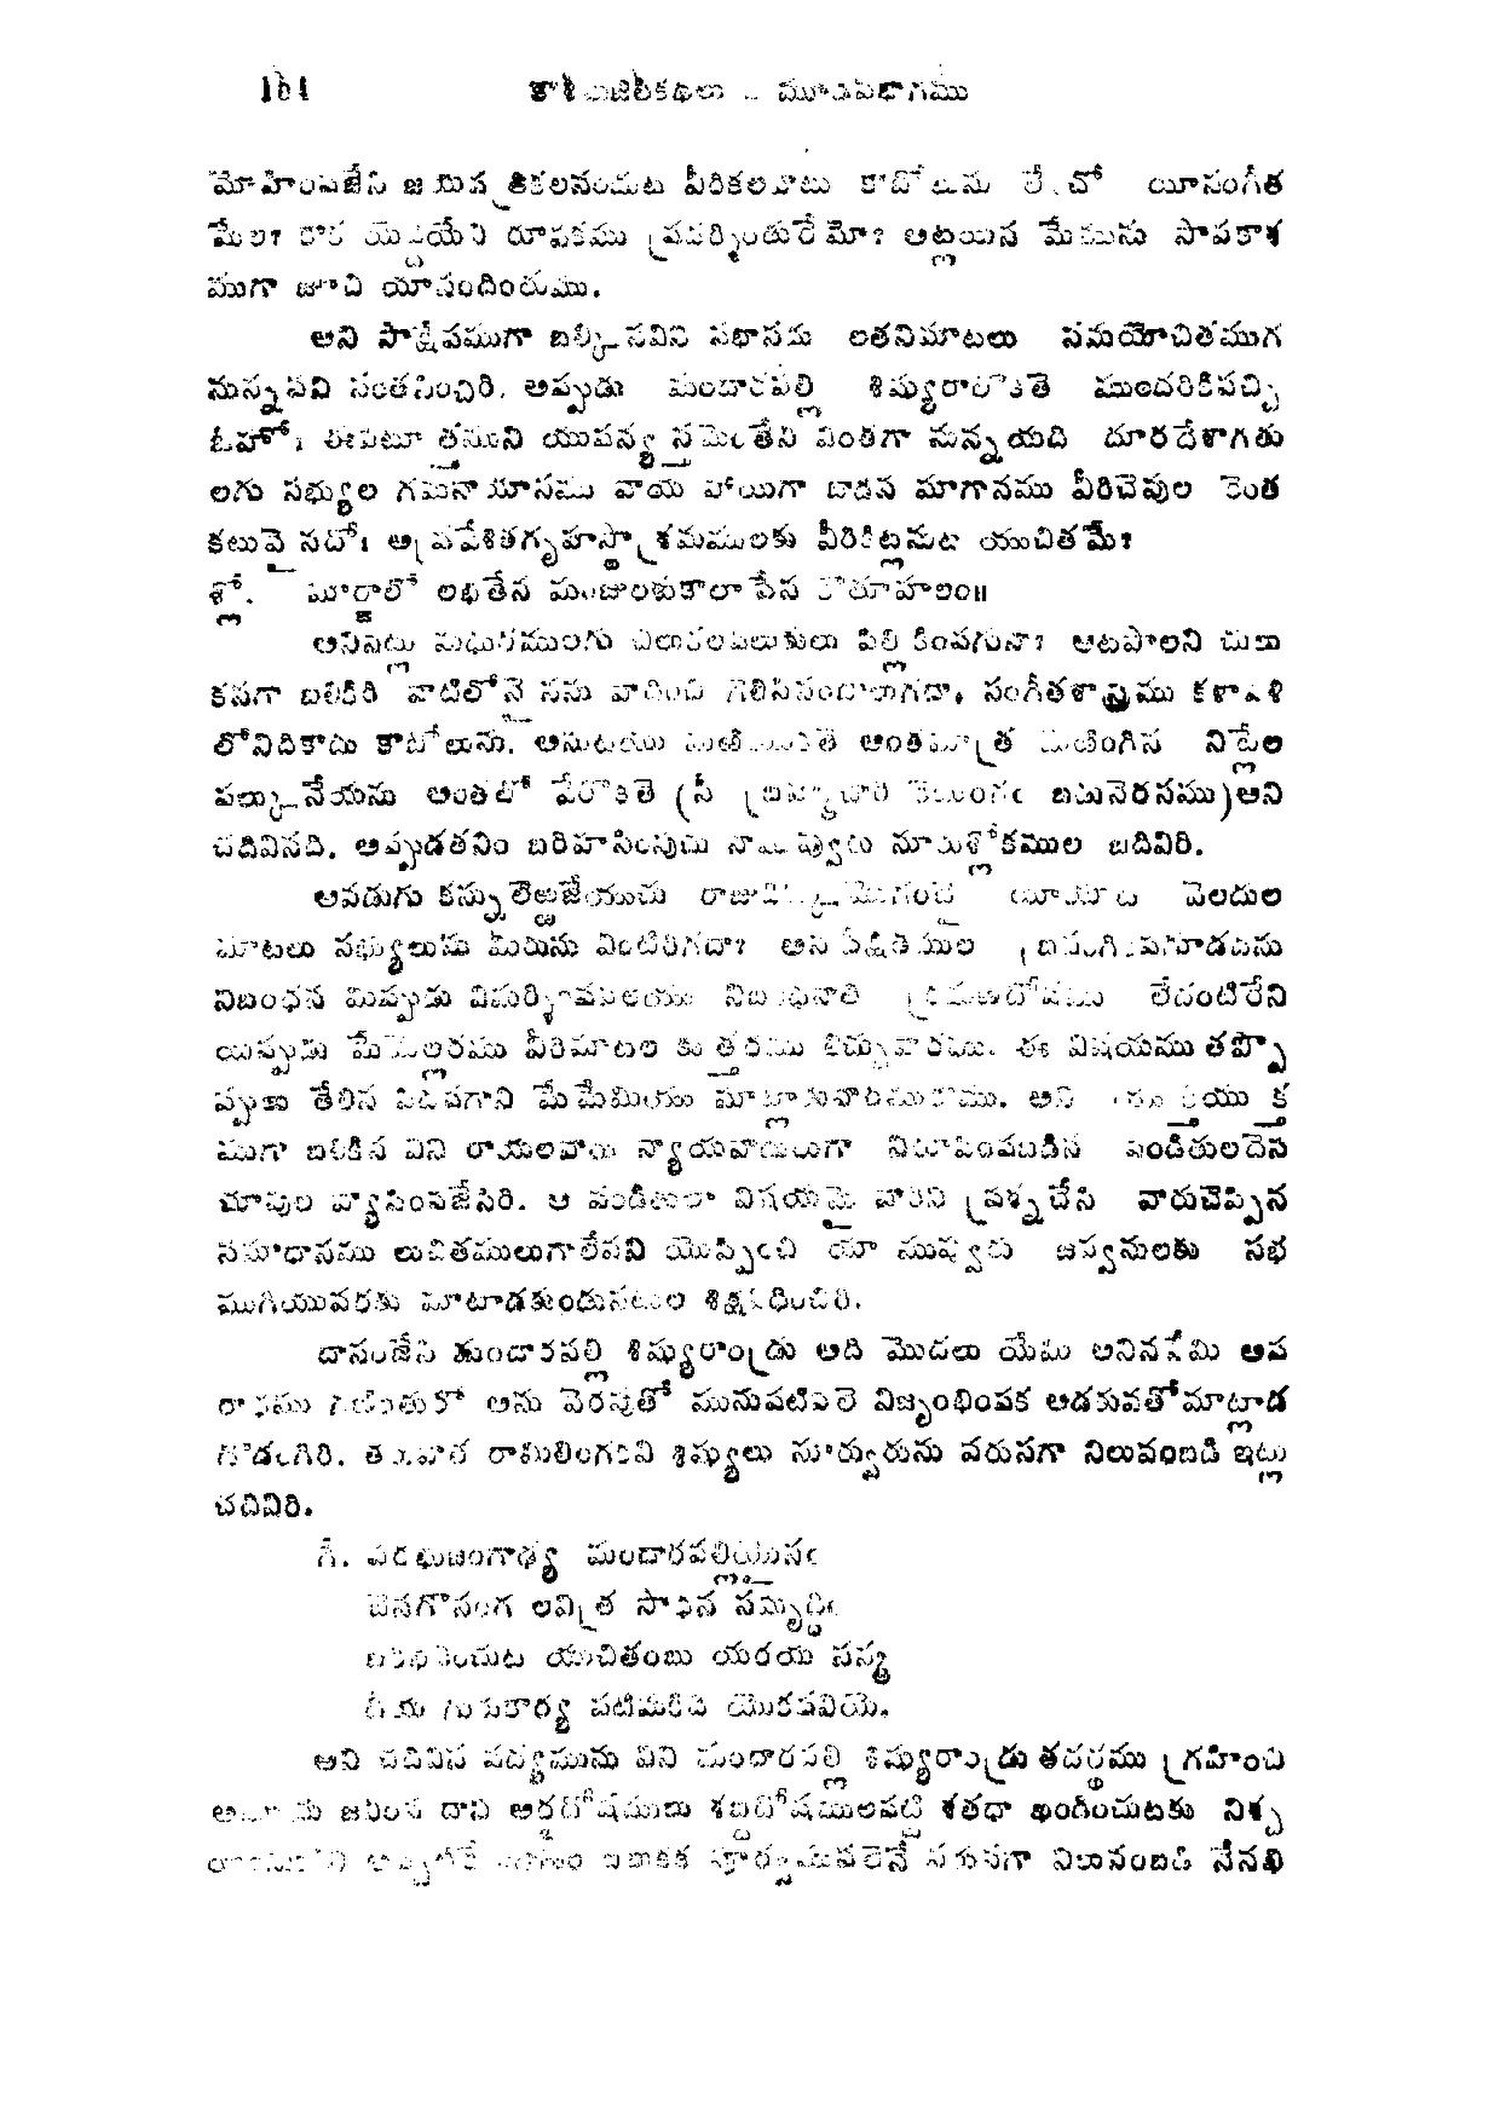మోహింపజేసి జయపత్రికలనందుట వీరికలవాటు కాబోలును లేనిచో యీసంగీత మేల? కాక యెద్దియేని రూపకము ప్రదర్శింతురేమో? అట్లయిన మేమును సావకాశముగా జూచి యానందింతుము.

అని సాక్షేపముగా బల్కిన విని సభాసదు లతనిమాటలు సమయోచితముగ నున్న వని సంతసించిరి. అప్పుడు మందారవల్లి శిష్యురాలొకతె ముందరికివచ్చి ఓహో! ఈవటూత్తముని యుపన్యస్త మెంతేని వింతగా నున్నయది దూరదేశాగతులగు సభ్యుల గమనాయాసము వాయ హాయిగా బాడిన మాగానము వీరిచెవుల కెంత కటువైనదో! అప్రవేశితగృహస్థాశ్రమములకు వీరి కిట్లనుట యుచితమే?

శ్లో. మార్జాలో లభితేన మంజులశుకాలాపేన కౌతూహలం ॥
అనినట్లు మధురములగు చిలుకలపలుకులు పిల్లి కింపగునా? ఆటపాటలని చులుకనగా బలికిరి వాటిలోనైనను వాదించి గెలిసినంజాలుగదా. సంగీతశాస్త్రము కళావళిలోనిదికాదు కాబోలును. అనుటయు మఱియొకతె అంతమాత్ర మెఱింగిన నిట్లేల పల్కునేయను అంతలో వేరొకతె (స్త్రీ బ్రహ్మచారి కెఱుంగఁ బడునె రసము) అని చదివినది. అప్పు డతనిం బరిహసింపుచు నామువ్వురు నూరుశ్లోకముల జదివిరి.

ఆవడుగు కన్ను లెఱ్ఱజేయుచు రాజుదిక్కు మొగంబై యీయాటవెలదుల మాటలు సభ్యులును మీరును వింటిరిగదా? అనపేక్షితముల బ్రసంగింపగూడదను నిబంధన మిప్పుడు విమర్శింపవలయు నిబంధనాతిక్రమణదోషము లేదంటిరేని యిప్పుడు మేమెల్లరము వీరిమాటల కుత్తరము లిచ్చువారము. ఈ విషయము తప్పొప్పులు తేలిన పిదపగాని మేమేమియు మాట్లాడువారముకాము. అని యుక్తియుక్తముగా బలికిన విని రాయలవారు న్యాయవాదులుగా నిరూపింపబడిన పండితులదెస
చూపుల వ్యాపింపజేసిరి. ఆ పండితులా విషయమై వారిని ప్రశ్నచేసి వారుచెప్పిన సమాధానము లుచితములుగాలేవని యొప్పించి యా మువ్వురు జవ్వనులకు సభ ముగియువరకు మాటాడకుండునటుల శిక్షవిధించిరి.

దానంజేసి మందారవల్లి శిష్యురాండ్రు అది మొదలు యేమి అనిన నేమి అపరాధము గణింతురో అను వెరపుతో మునుపటివలె విజృంభింపక అడకువతో మాట్లాడ దొడంగిరి. తరువాత రామలింగకవి శిష్యులు నూర్వురును వరుసగా నిలువంబడి ఇట్లు చదివిరి.

గీ. పరభుజంగాఢ్య మందారవల్లియైనఁ
 బెనగొనంగ లవిత్ర సాధన సమృద్ధిఁ
 బరిభవించుట యుచితంబు యరయ నన్మ
 దీయ గురుకార్య పటిమకిది యొకపనియె.
అని చదివిన పద్యమును విని మందారవల్లి శిష్యురాండ్రు తదర్థము గ్రహించి అర్థము జనింప దాని అర్దదోషములు శబ్దదోషములపట్టి శతథా ఖండించుటకు నిశ్చయించుకొని అప్పటి కేమియుం బలుకక పూర్వమువలెనే వరుసగా నిలువంబడి నేనఖి